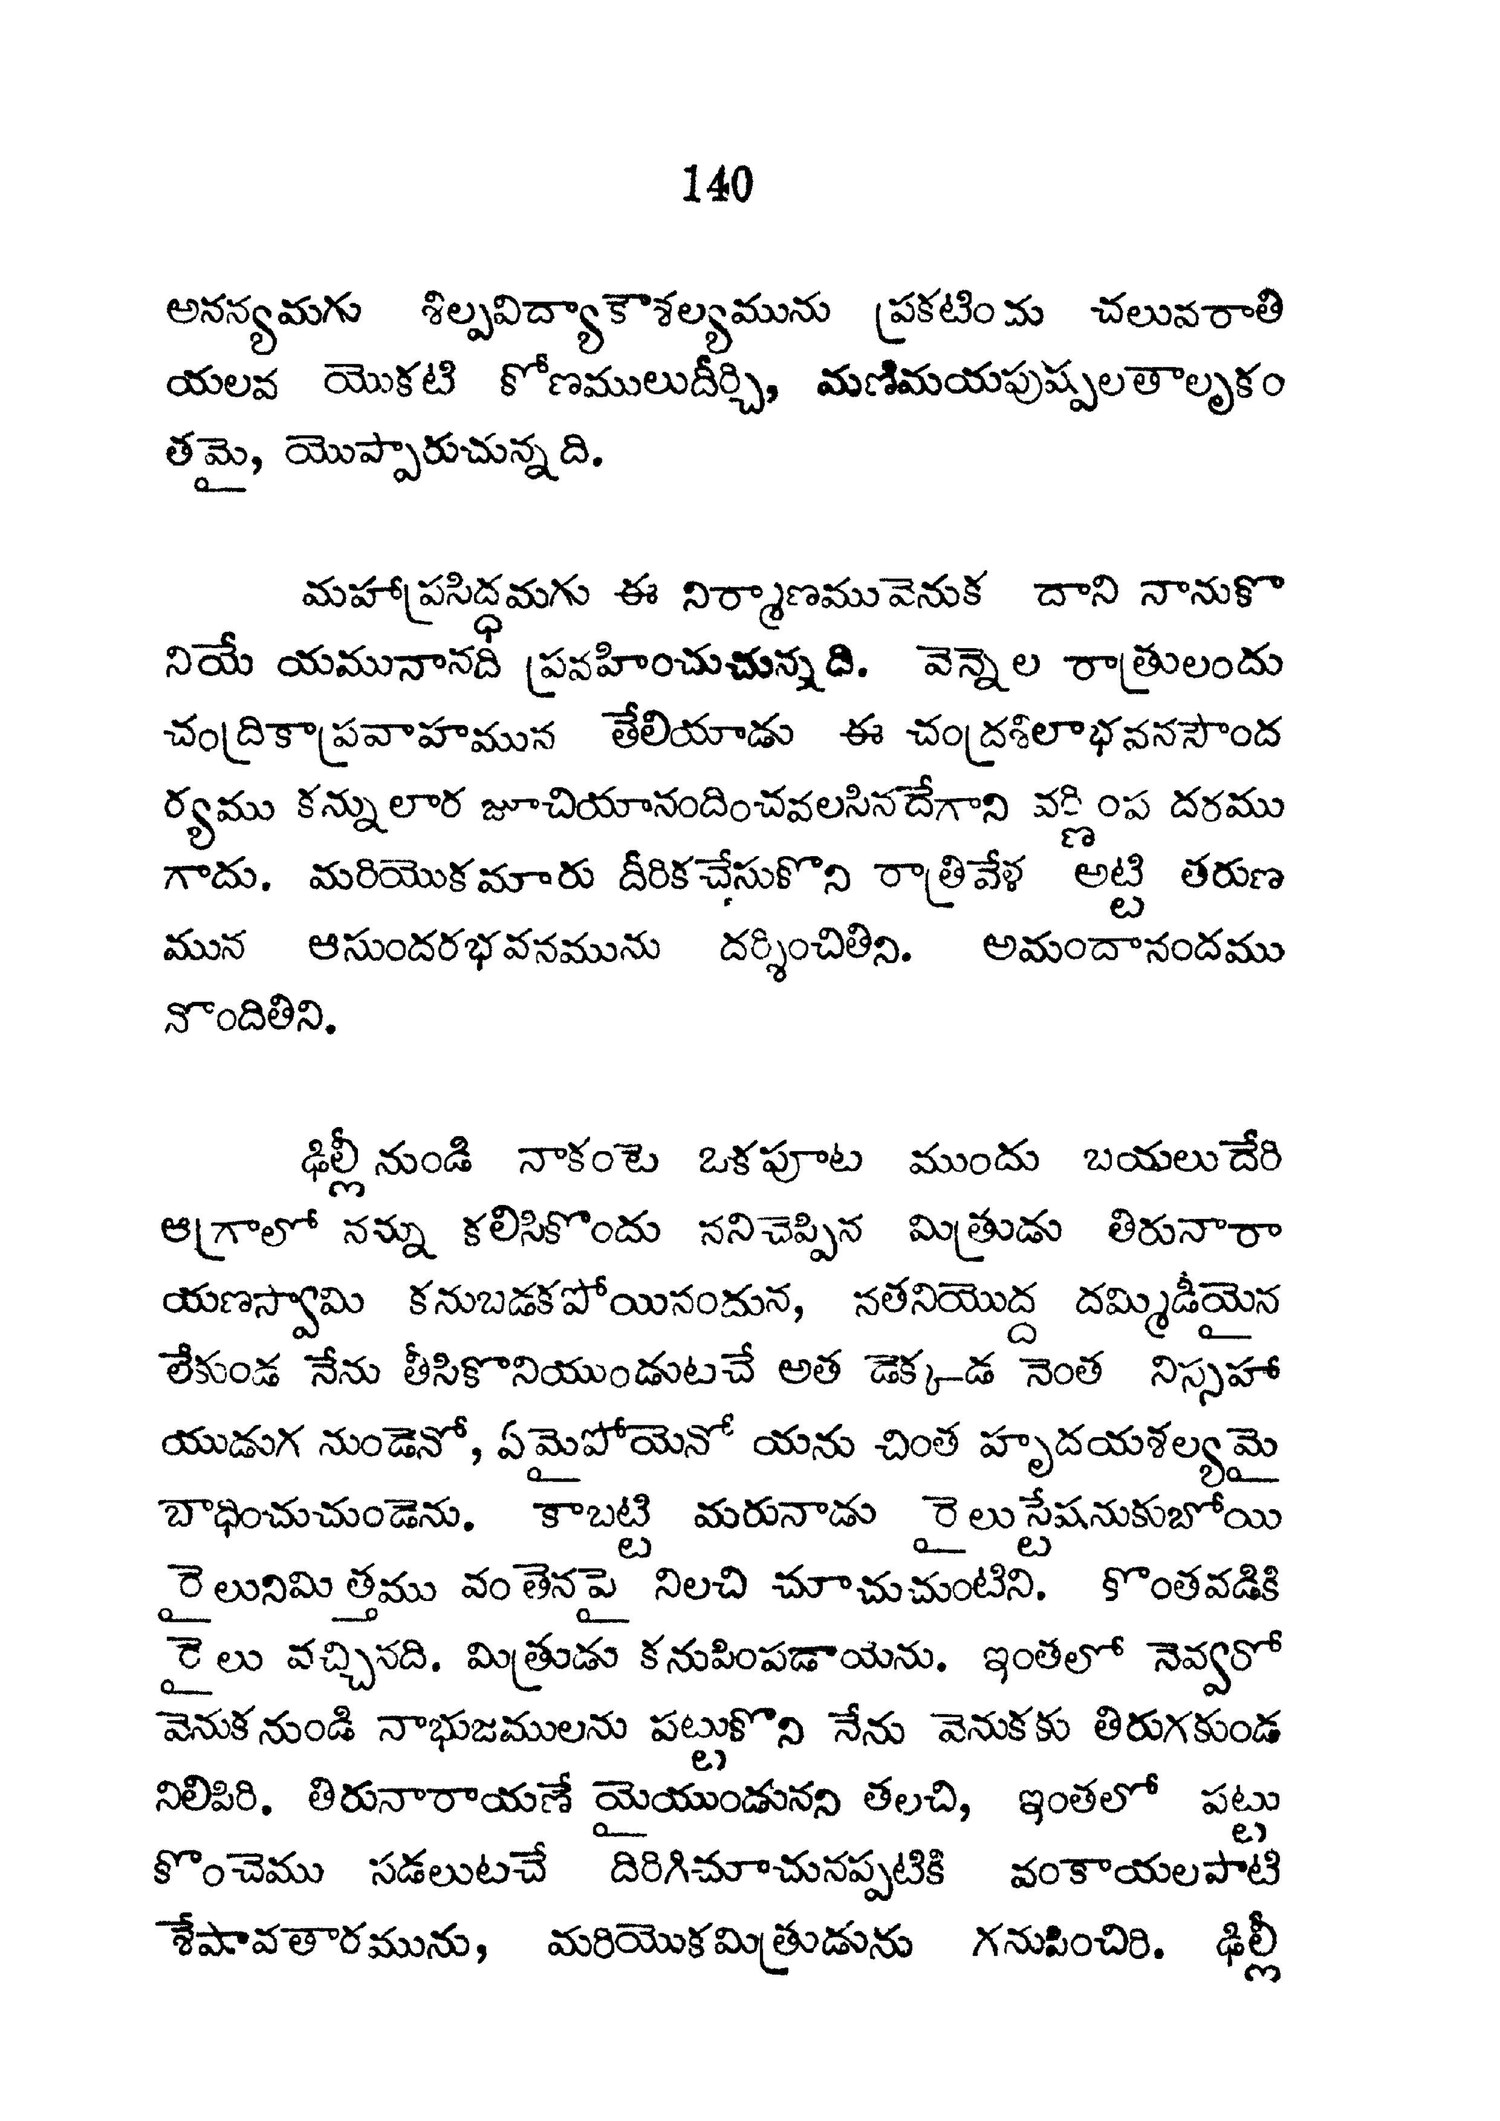అనన్యమగు శిల్పవిద్యాకౌశల్యమును ప్రకటించు చలువతాతి యలవ యొకటి కోణములుదీర్చి, మణిమయపుష్పలతాలృకంతమై, యొప్పారుచున్నది.

మహాప్రసిద్ధమగు ఈ నిర్మాణమువెనుక దాని నానుకొనియే యమునానది ప్రవహించుచున్నది. వెన్నెల రాత్రులందు చంద్రికాప్రవాహమున తేలియాడు ఈ చంద్రశిలాభవనసౌందర్యము కన్నులార జూచియానందించవలసనదేగాని వర్ణింప దరముగాదు. మరియొకమారు దీరికచేసుకొని రాత్రివేళ అట్టి తరుణమున ఆసుందరభవనమును దర్శించితిని. అమందానందము నొందితిని.

డిల్లీ నుండి నాకంటె ఒకపూట ముందు బయలుదేరి ఆగ్రాలో నన్ను కలిసికొందు ననిచెప్పిన మిత్రుడు తిరునారాయణస్వామి కనుబడకపోయినందున,నతనియొద్ద దమ్మిడీయైన లేకుండ నేను తీసికొనియుండుటచే అత డెక్కడ నెంత నిస్సహాయుడుగ నుండెనో, ఏమైపోయెనో యను చింత హృదయశల్యమై బాధించుచుండెను.కాబట్టి మరునాడు రైలుస్టేషనుకుబోయి రైలునిమిత్తము వంతెనపై నిలచి చూచుచుంటిని. కొంతవడికి రైలు వచ్చినది. మిత్రుడు కనుపింపడాయెను. ఇంతలో నెవ్వరో వెనుకనుండి నాభుజములను పట్టుకొని నేను వెనుకకు తిరుగకుండ నిలిపిరి. తిరునారాయణే యైయుండునని తలచి, ఇంతలో పట్టు కొంచెము సడలుటచే దిరిగిచూచునప్పటికి వంకాయలపాటి శేషావతారమును, మరియొకమిత్రుడును గనుపించిరి. డిల్లీ